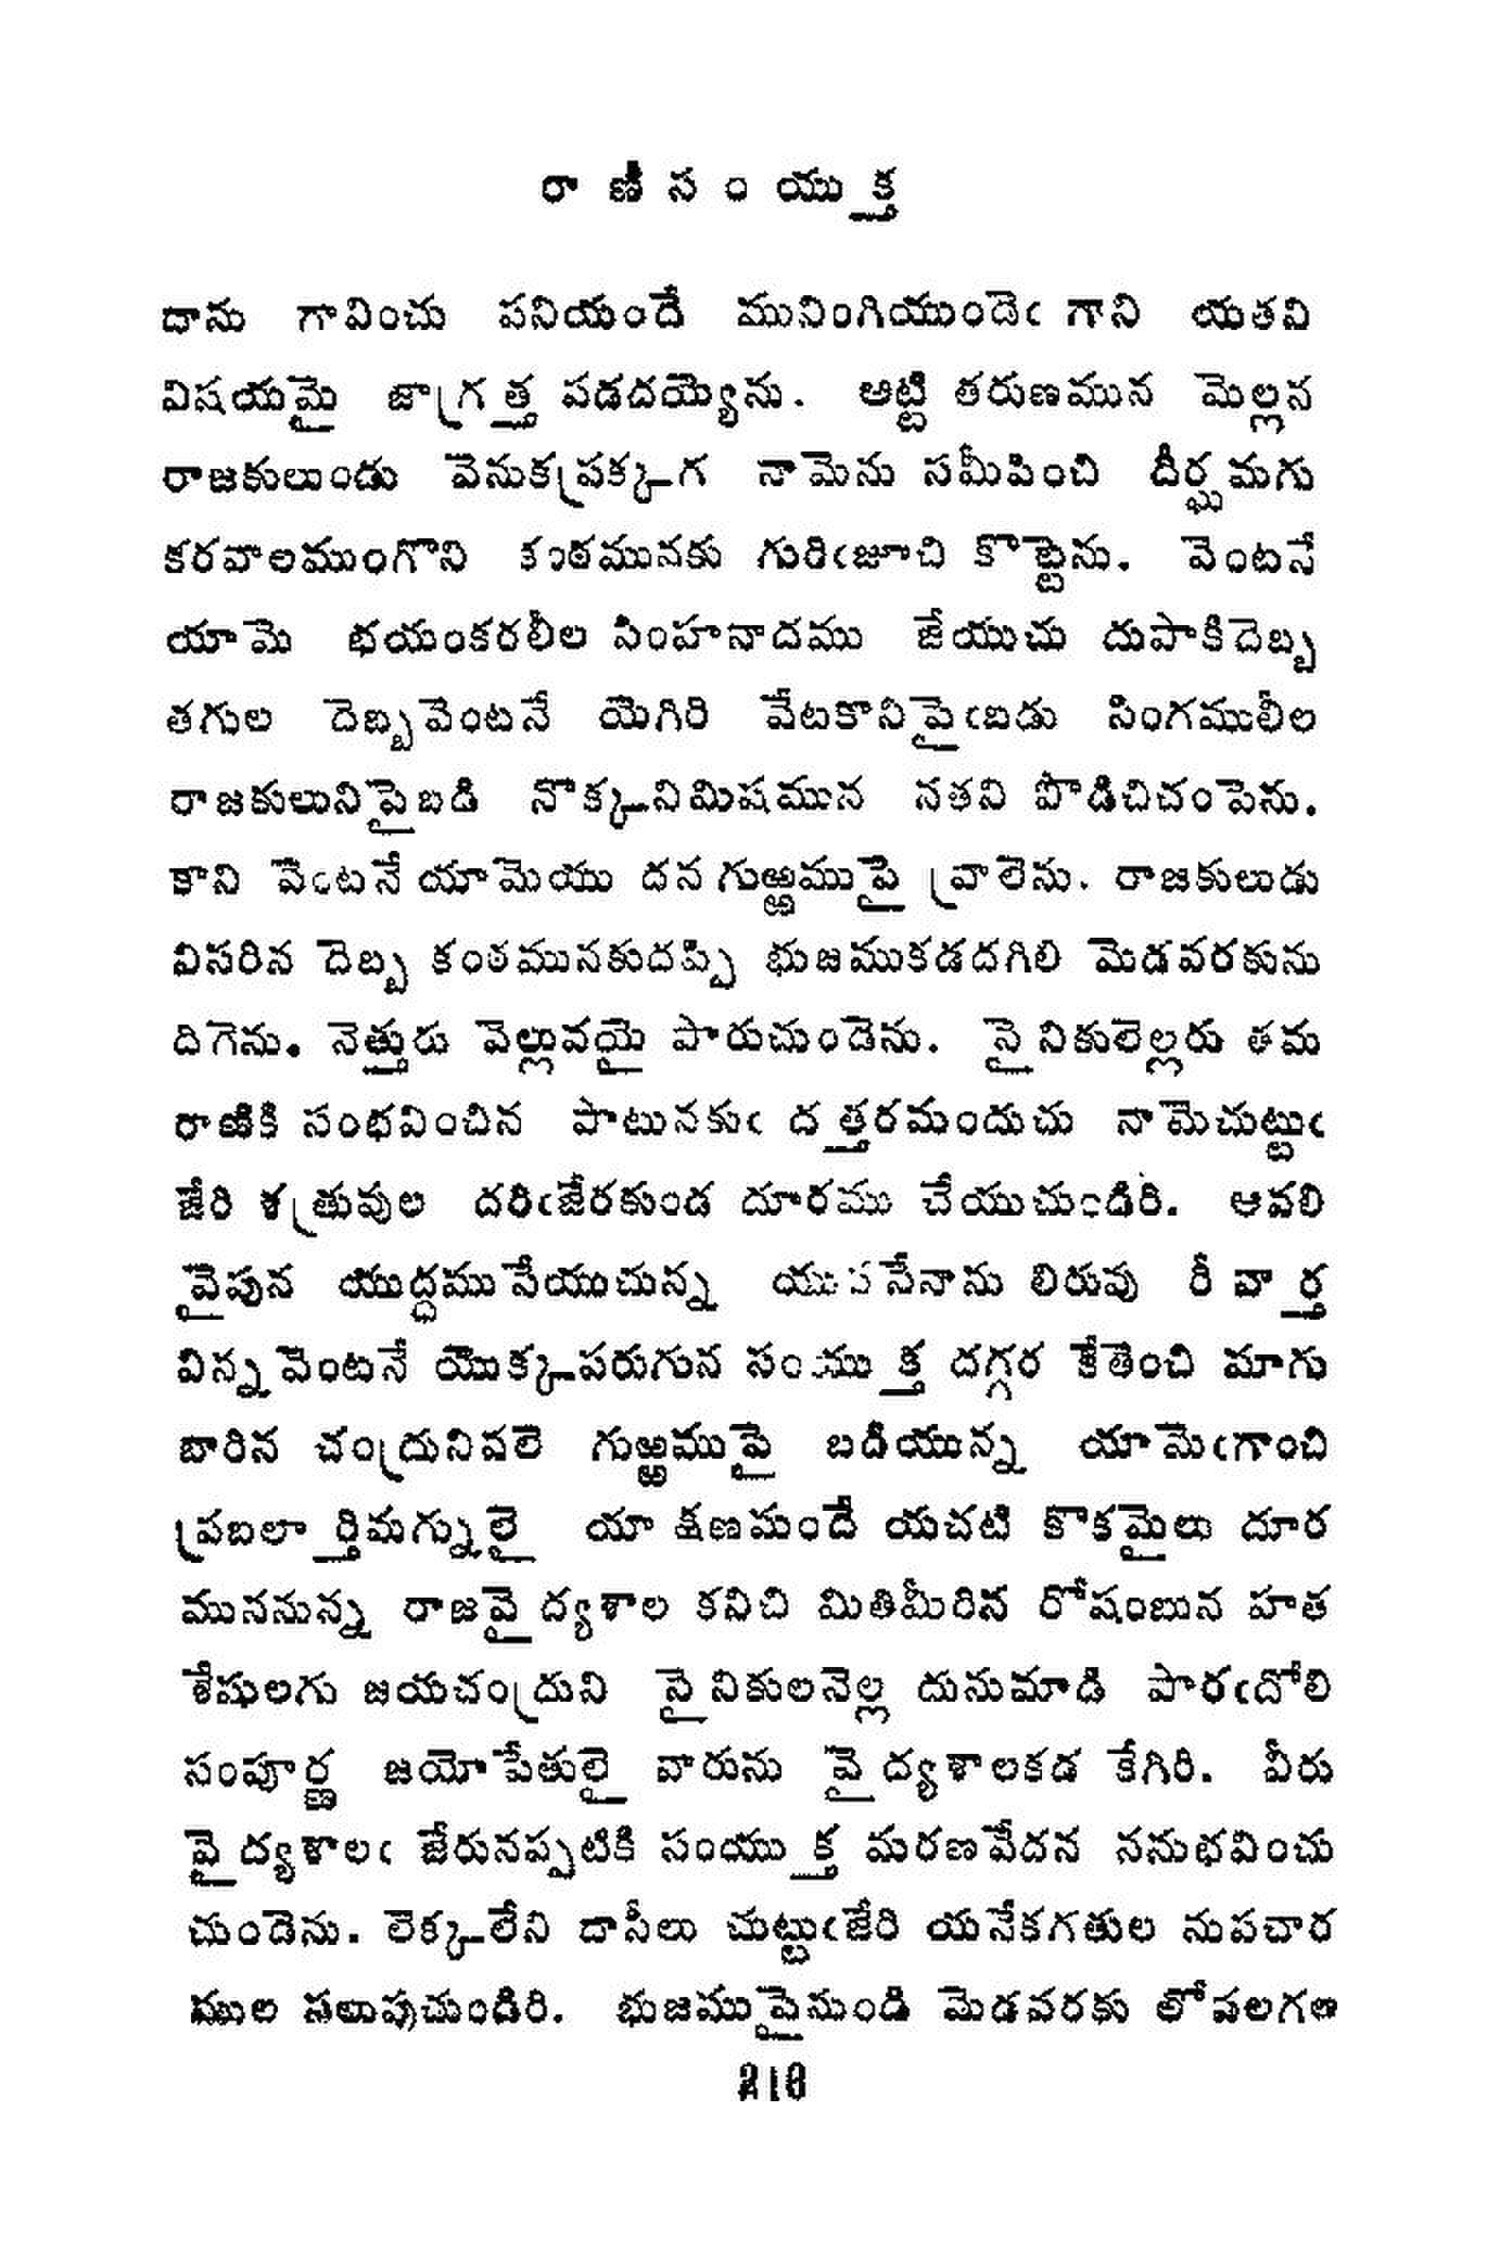దాను గావించు పనియందే మునింగియుండెఁ గాని యతని విషయమై జాగ్రత్త పడదయ్యెను. అట్టి తరుణమున మెల్లన రాజకులుండు వెనుకప్రక్కగ నామెను సమీపించి దీర్ఘ మగు కరవాలముంగొని కంఠమునకు గురిఁజూచి కొట్టెను. వెంటనే యామె భయంకరలీల సింహనాదము జేయుచు దుపాకిదెబ్బ తగుల దెబ్బవెంటనే యెగిరి వేటకానిపైఁబడు సింగములీల రాజకులునిపైబడి నొక్కనిమిషమున నతని పొడిచిచంపెను. కాని వెంటనే యామెయు దన గుఱ్ఱముపై వ్రాలెను. రాజకులుడు విసరిన దెబ్బ కంఠమునకుదప్పి భుజముకడదగిలి మెడవరకును దిగెను. నెత్తురు వెల్లువయై పారుచుండెను. సైనికులెల్లరు తమ రాణికి సంభవించిన పాటునకుఁ దత్తరమందుచు నామెచుట్టుఁ జేరి శత్రువుల దరిఁజేరకుండ దూరము చేయుచుండిరి. ఆవలి వైపున యుద్దముసేయుచున్న యుపసేనాను లిరువు రీవార్త విన్నవెంటనే యొక్కపరుగున సంయుక్త దగ్గర కేతెంచి మాగుబారిన చంద్రునివలె గుఱ్ఱముపై బడియున్న యామెఁగాంచి ప్రబలార్తిమగ్నులై యా క్షణమందే యచటి కొకమైలు దూరముననున్న రాజవైద్యశాల కనిచి మితిమీరిన రోషంబున హతశేషులగు జయచంద్రుని సైనికులనెల్ల దునుమాడి పారఁదోలి సంపూర్ణ జయోపేతులై వారును వైద్యశాలకడ కేగిరి. వీరు వైద్యశాలఁ జేరునప్పటికి సంయుక్త మరణవేదన ననుభవించు చుండెను. లెక్కలేని దాసీలు చుట్టుఁజేరి యనేకగతుల నుపచారముల సలుపుచుండిరి. భుజముపైనుండి మెడవరకు లోపలగల